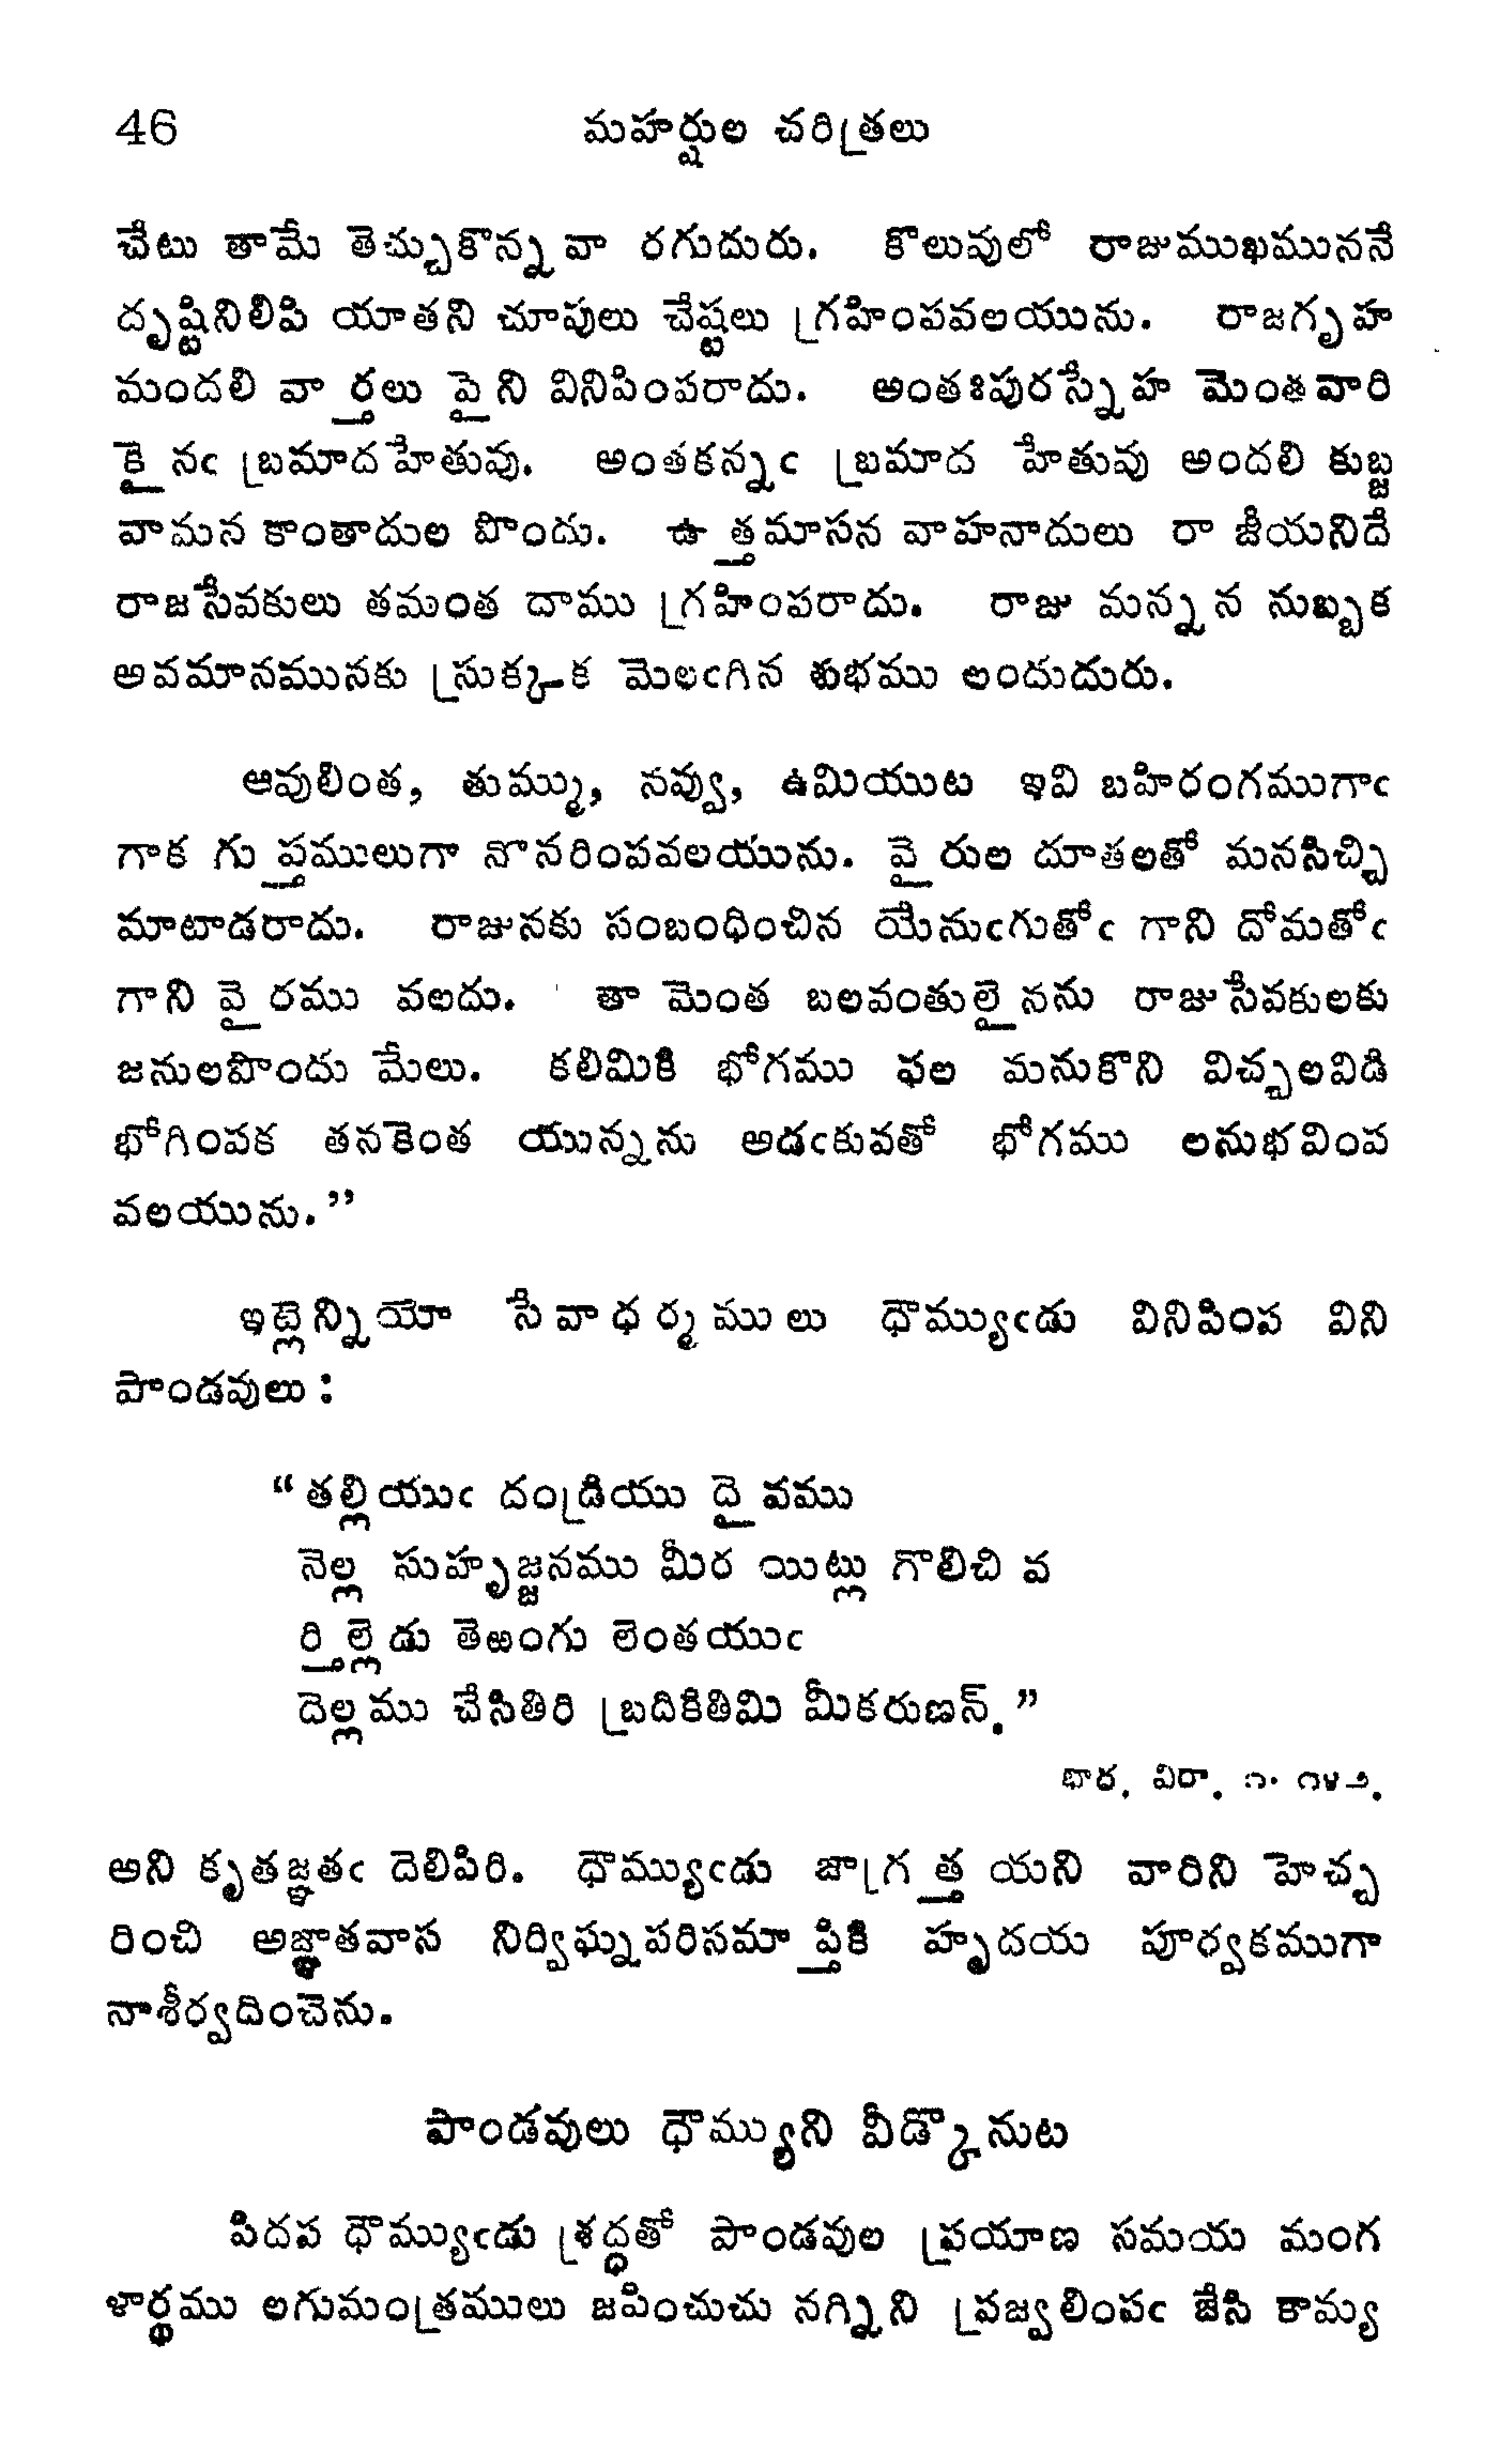చేటు తామే తెచ్చుకొన్నవా రగుదురు. కొలువులో రాజుముఖముననే దృష్టినిలిపి యాతని చూపులు చేష్టలు గ్రహింపవలయును. రాజగృహమందలి వార్తలు పైని వినిపింపరాదు. అంతఃపురస్నేహ మెంతవారి కై నఁ బ్రమాద హేతువు. అంతకన్నఁ బ్రమాద హేతువు అందలి కుబ్జ వామన కాంతాదుల పొందు. ఉత్తమాసన వాహనాదులు రా జీయనిదే రాజసేవకులు తమంత దాము గ్రహింపరాదు. రాజు మన్నన నుబ్బక అవమానమునకు స్రుక్కక మెలఁగిన శుభము అందుదురు.

ఆవులింత, తుమ్ము, నవ్వు, ఉమియుట ఇవి బహిరంగముగాఁ గాక గుప్తములుగా నొనరింపవలయును. వైరుల దూతలతో మనసిచ్చి మాటాడరాదు. రాజునకు సంబంధించిన యేనుఁగుతోఁ గాని దోమతోఁ గాని వైరము వలదు. తా మెంత బలవంతులై నను రాజు సేవకులకు జనులపొందు మేలు. కలిమికి భోగము ఫల మనుకొని విచ్చలవిడి
భోగింపక తనకెంత యున్నను అడఁకువతో భోగము లనుభవింప వలయును.”

ఇట్లెన్నియో సేవాధర్మములు ధౌమ్యుఁడు వినిపింప విని పాండవులు:

“తల్లియుఁ దండ్రియు దైవము 
 నెల్ల సుహృజ్జనము మీర యిట్లు గొలిచి వ 
 ర్తిల్లెడు తెఱంగు లెంతయుఁ 
 దెల్లము చేసితిరి బ్రదికితిమి మీకరుణన్.”
 భార. విరా. 1. 142
అని కృతజ్ఞతఁ దెలిపిరి. ధౌమ్యుఁడు జాగ్రత్త యని వారిని హెచ్చరించి అజ్ఞాతవాస నిర్విఘ్నపరిసమాప్తికి హృదయ పూర్వకముగా నాశీర్వదించెను.

పాండవులు ధౌమ్యుని వీడ్కొనుట

పిదప ధౌమ్యుఁడు శ్రద్ధతో పాండవుల ప్రయాణ సమయ మంగళార్థము లగుమంత్రములు జపించుచు నగ్నిని ప్రజ్వలింపఁ జేసి కామ్య